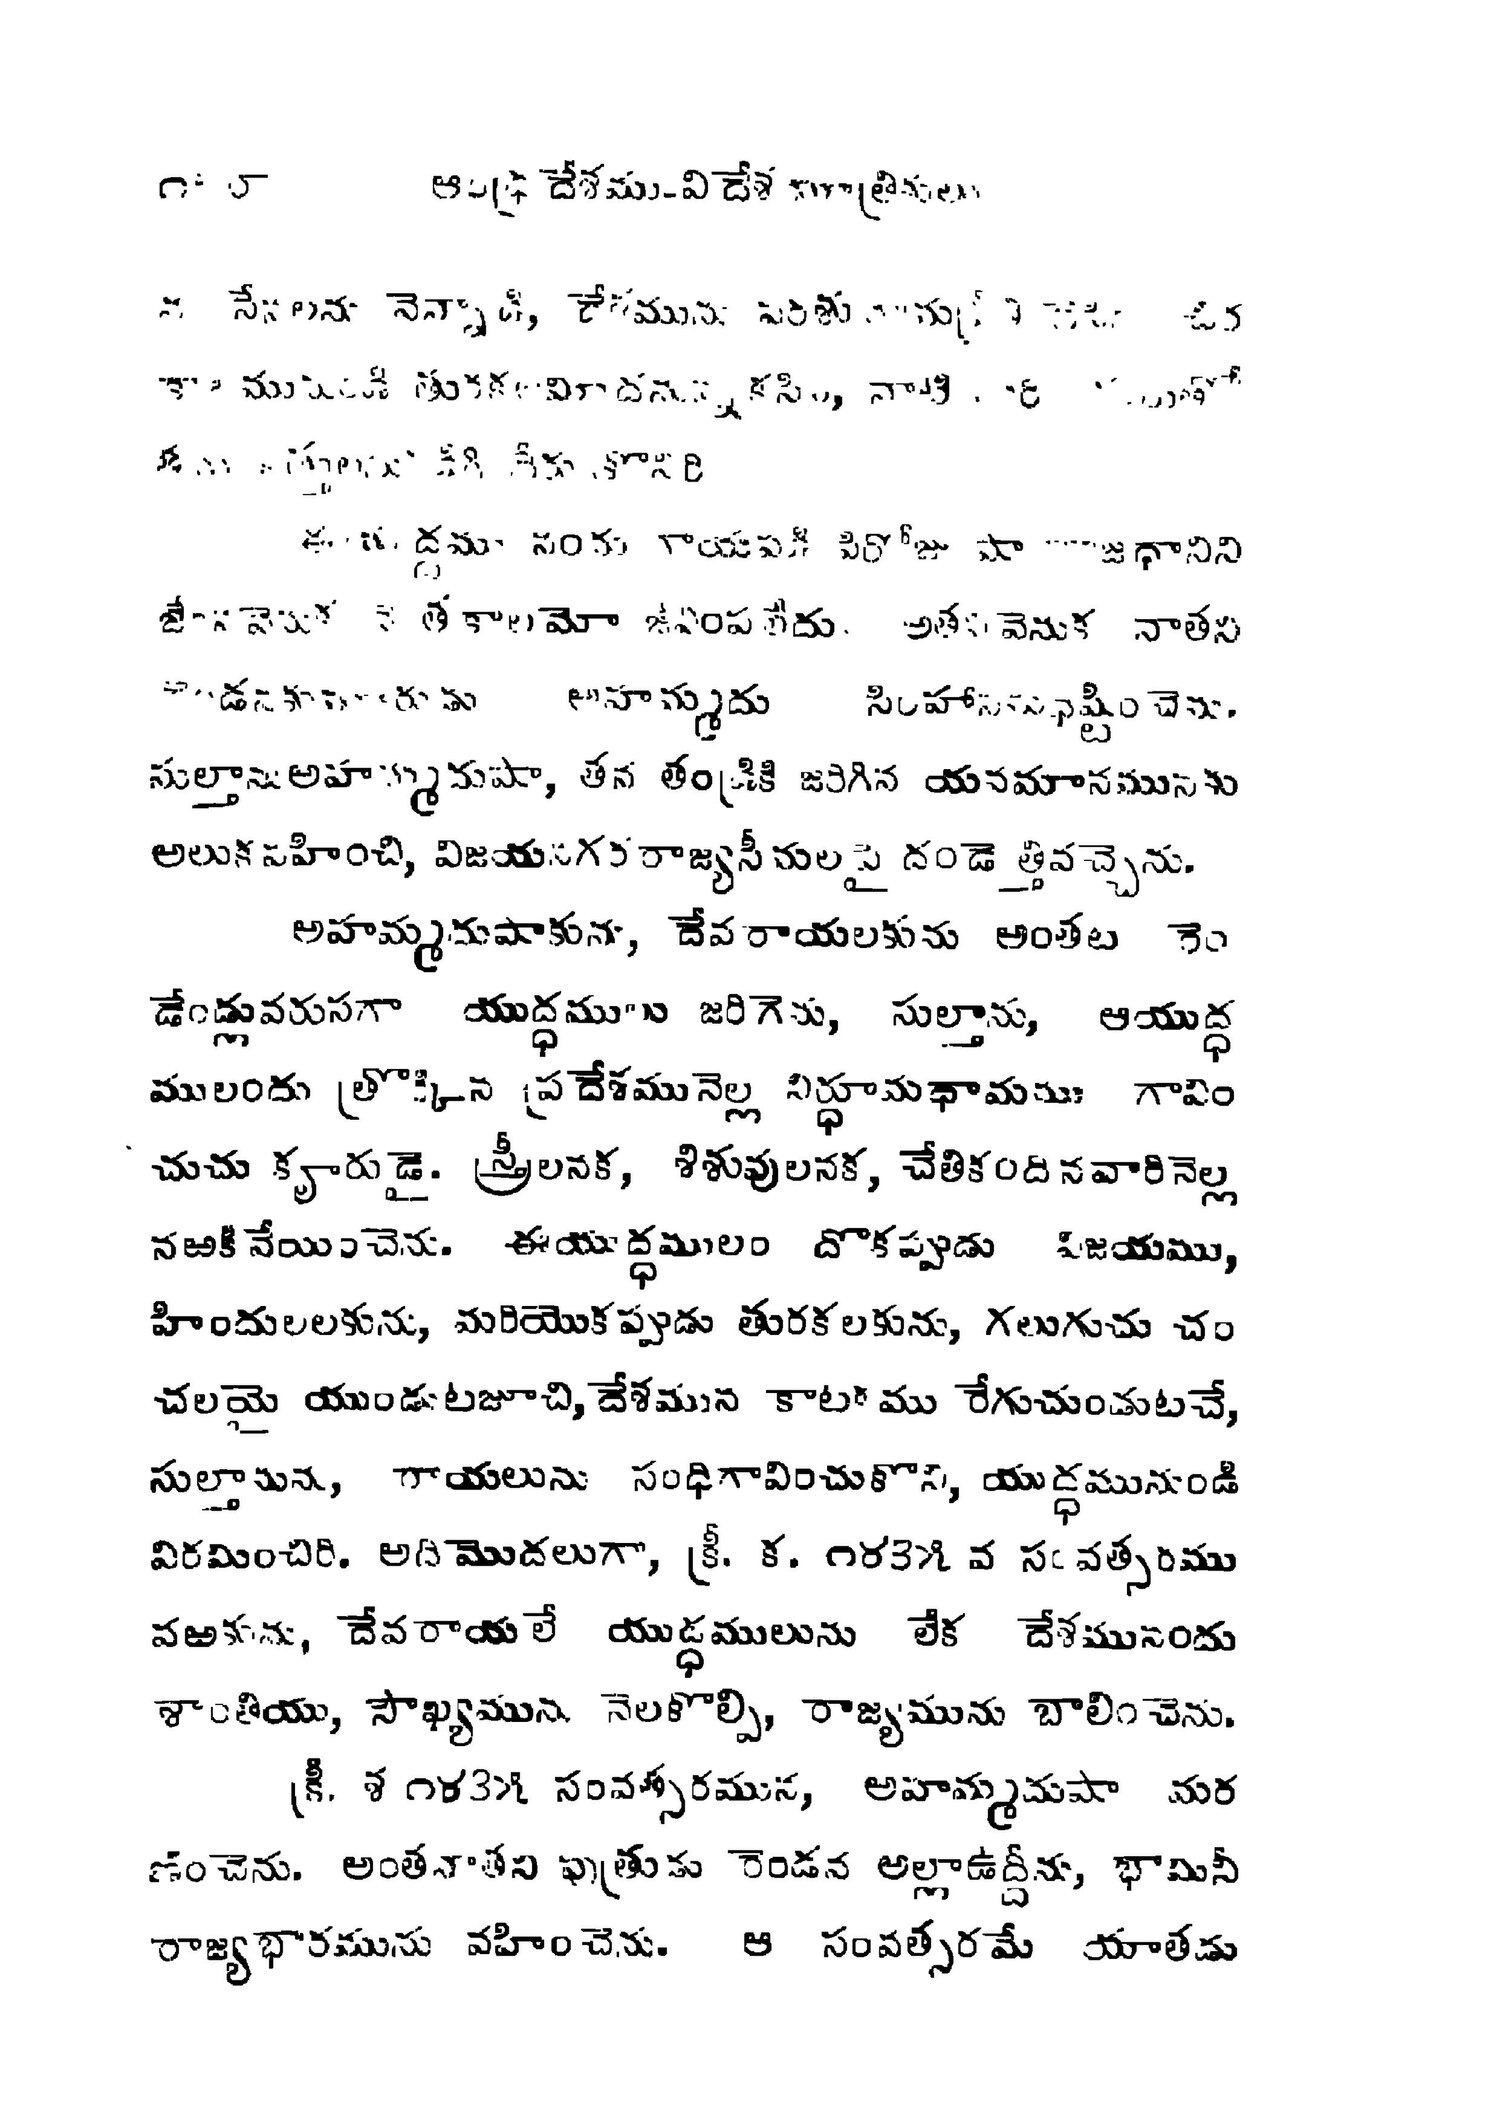-- సేనలను వెన్నాడి, దేశమును పరశురామ ప్రీతిచేసినాడు. చిరకాలమునుండి తురకలమీదనున్నకసిని, నాటి వారియుక్తులుతో తమ ఎత్తులనునుడిగి దీర్చుకొనిరి.

ఈయుద్దమునందు గాయపడి ఫిరోజుషా రాజధానిని జేరినవెనుక నెంతకాలమో జీవింపలేదు. అతని వెనుక నాతని రెండవ కుమారుడు అహమ్మదు సింహాసమధిష్టించెను. సుల్తాను అహమ్మదుషా, తన తండ్రికి జరిగిన యవమానమునకు అలుక వహించి, విజయనగర రాజ్యసీమలపై దండెత్తివచ్చెను.

అహమ్మదుషాకును, దేవరాయలకును అంతట రెండేండ్లు వరుసగా యుద్ధములు జరిగెను, సుల్తాను, ఆయుద్ధములందు త్రొక్కిన ప్రదేశమునెల్ల నిర్ధూమథామము గావించుచు కౄరుడై, స్త్రీలనక, శిశువులనక, చేతికందినవారి నెల్ల నఱకివేయించెను. ఈయుద్ధములం దొకప్పుడు విజయము, హిందువులకును, మరియొకప్పుడు తురకలకును, గలుగుచు చంచలయై యుండుటజూచి, దేశమున కాటకము రేగుచుండుటచే, సుల్తానును, రాయలును సంధిగావించుకొని, యుద్ధమునుండి విరమించిరి. అదిమొదలుగా, క్రీ.శ. 1435 వ సంవత్సరము వఱకును, దేవరాయలే యుద్ధములును లేక దేశమునందు శాంతియు, సౌఖ్యమును నెలకొల్పి, రాజ్యమును బాలించెను.

క్రీ.శ. 1435 సంవత్సరమున, అహమ్మదుషా మరణించెను. అంతనాతని పుత్రుడు రెండవ అల్లాఉద్దీను, భామినీ రాజ్యభారమును వహించెను. ఆ సంవత్సరమే యాతడు